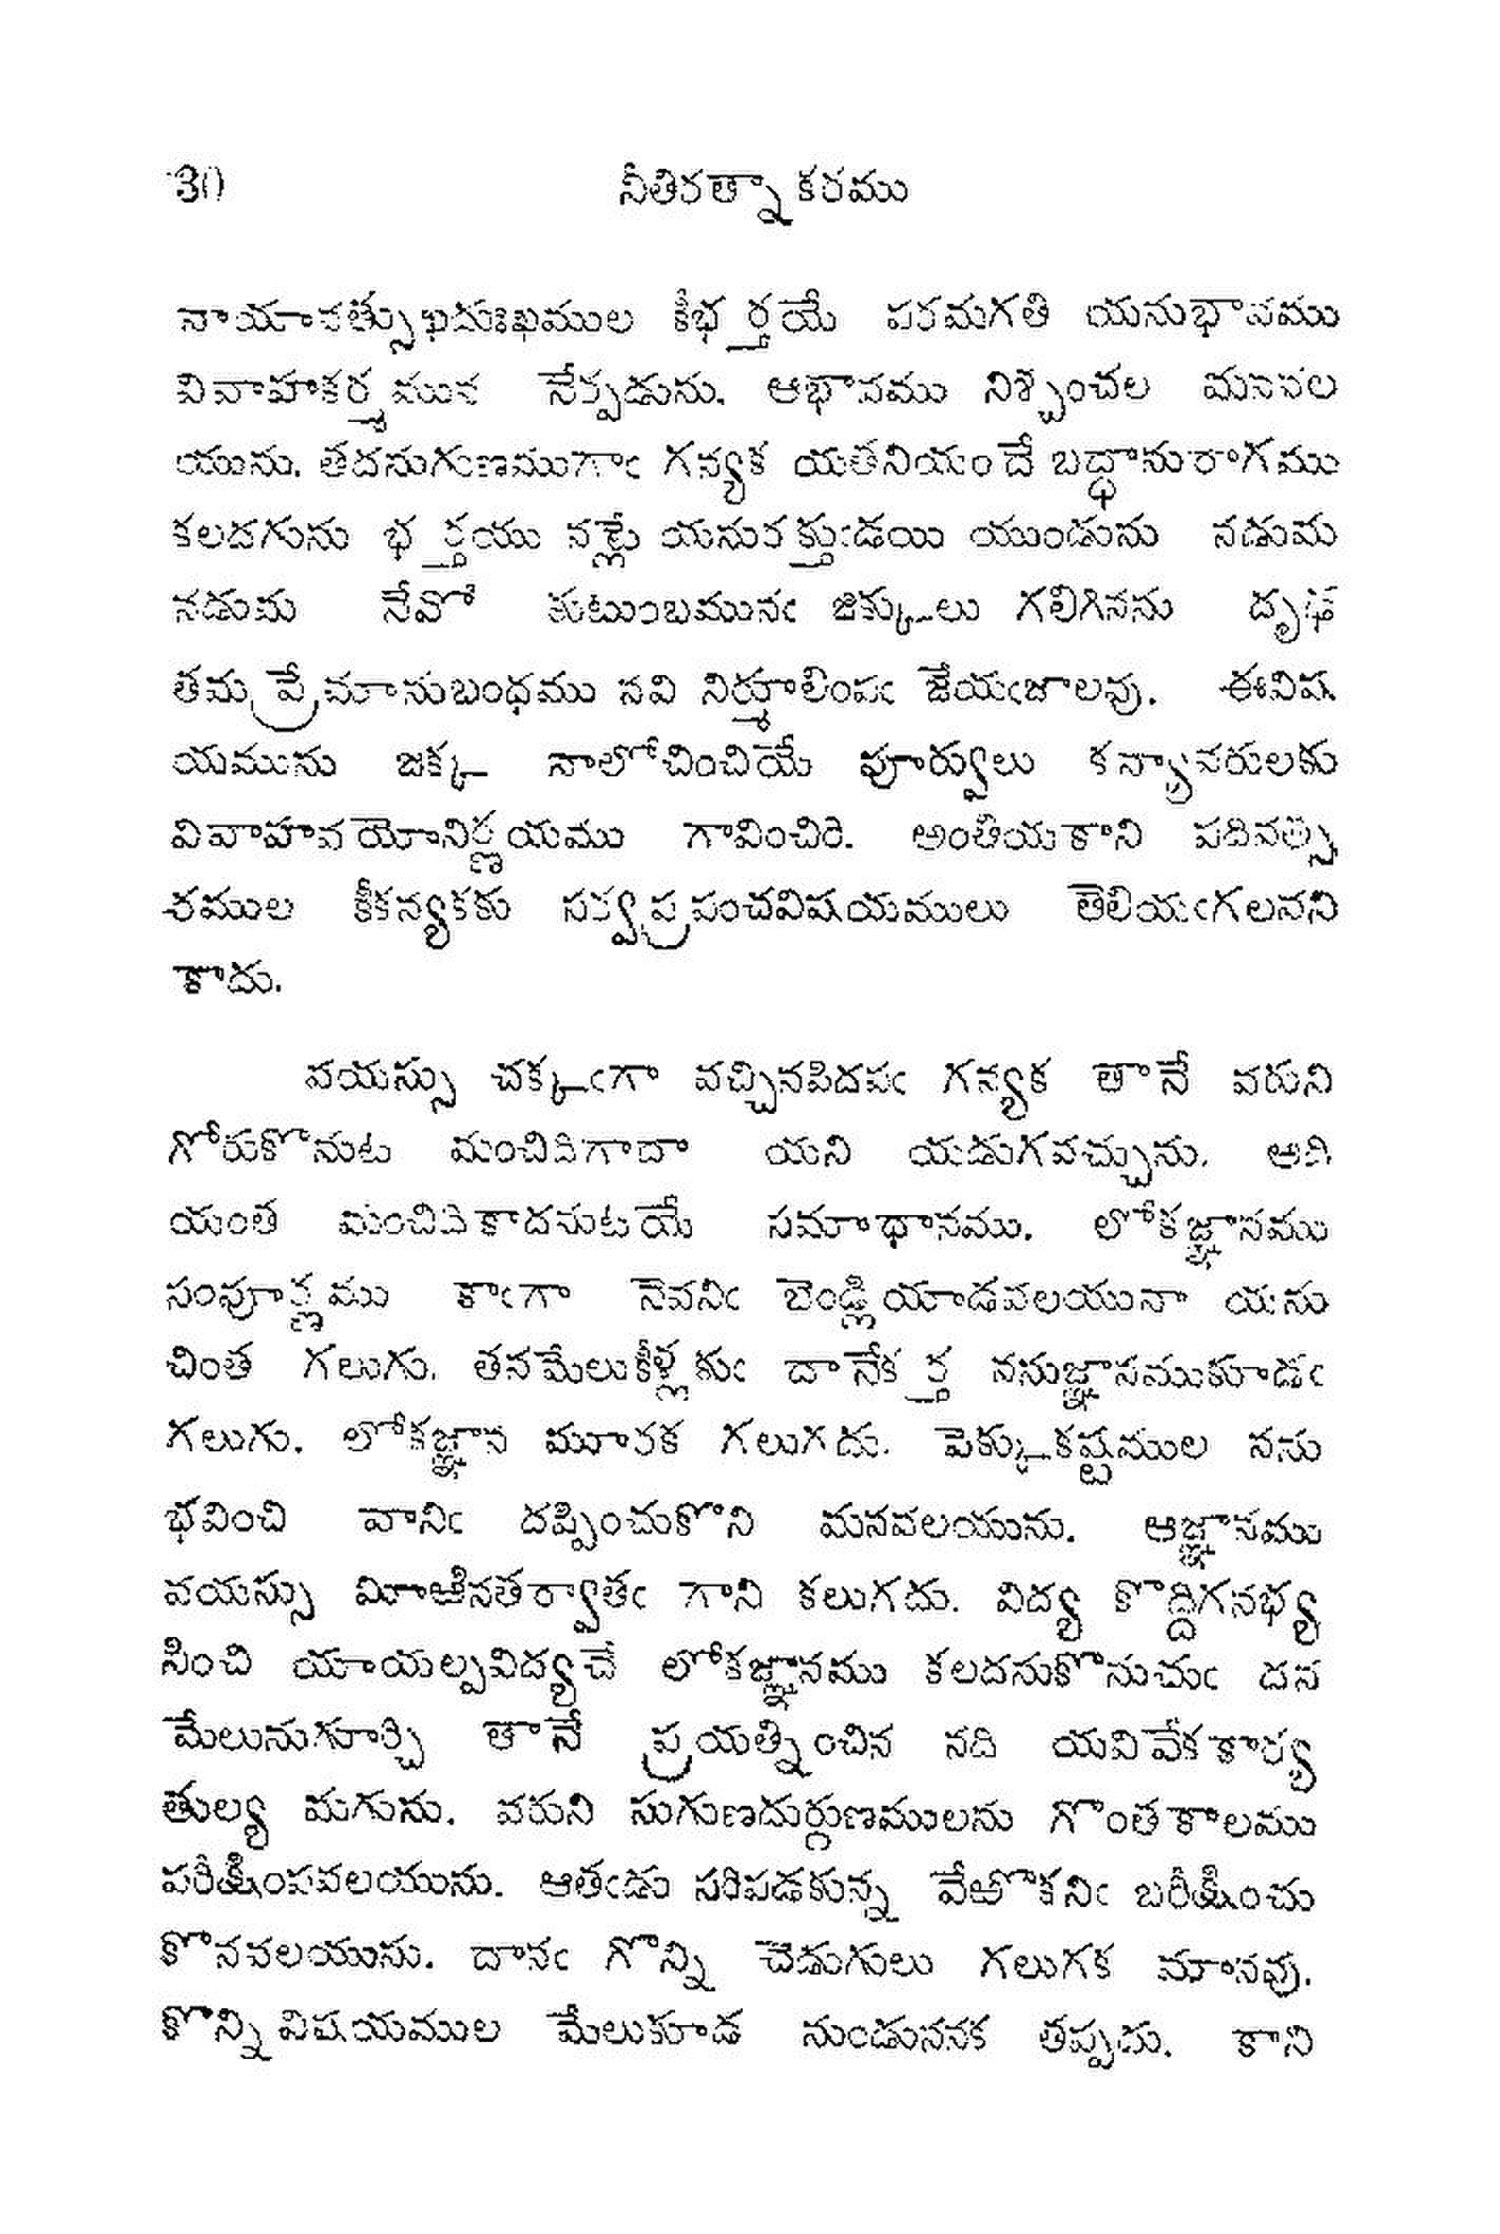నాయావత్సుఖదుఃఖముల కీభర్తయే పరమగతి యనుభావము వివాహాకర్మనమున నేర్పడును. ఆభావము నిశ్చంచల మనవలయును. తదనుగుణముగాఁ గన్యక యతనియందే బద్ధానురాగము కలదగును భర్తయునట్లే యనురక్తుడయి యుండును నడుమ నడుమ నేవో కుటుంబమునఁ జిక్కులు గలిగినను దృఢ తమ ప్రేమానుబంధము నవి నిర్మూలింపఁ జేయఁజాలవు. ఈవిషయమును జక్క నాలోచించియే పూర్వులు కన్యావరులకు వివాహవయోనిర్ణయము గావించిరి. అంతియకాని పదివత్సరముల కీకన్యకకు సర్వప్ర పంచవిషయములు తెలియఁగలనని కాదు.

వయస్సు చక్కఁగా వచ్చినపిదపఁ గన్యక తానే వరుని గోరుకొనుట మంచిదిగాదా యని యడుగవచ్చును. అది యంత మంచిది కాదనుటయే సమాధానము. లోక జ్ఞానము సంపూర్ణము కాఁగా నెవనిఁ బెండ్లియాడవలయునా యను చింత గలుగు. తన మేలు కీళ్ల కుఁ దానేక ర్త ననుజ్ఞానముకూడఁ గలుగు. లోకజ్ఞాన మూరక గలుగదు. పెక్కు కష్టముల ననుభవించి వానిఁ దప్పించుకొని మనవలయును. అజ్ఞానము వయస్సు మీఱినతర్వాతఁ గాని కలుగదు. విద్య కొద్దిగనభ్య సించి యాయల్ప విద్యచే లోక జ్ఞానము కలదనుకొనుచుఁ దనమేలును గూర్చి తానే ప్రయత్నించిన నది యవివేక కార్య తుల్య మగును. వరుని సుగుణదుర్గుణములను గొంతకాలము పరీక్షింపవలయును. ఆతఁడు సరిపడకున్న వేఱోకనిఁ బరీక్షించు కొనవలయును. దానఁ గొన్ని చెడుగులు గలుగక మానవు. కొన్ని విషయముల మేలుకూడ నుండుననక తప్పదు. కాని